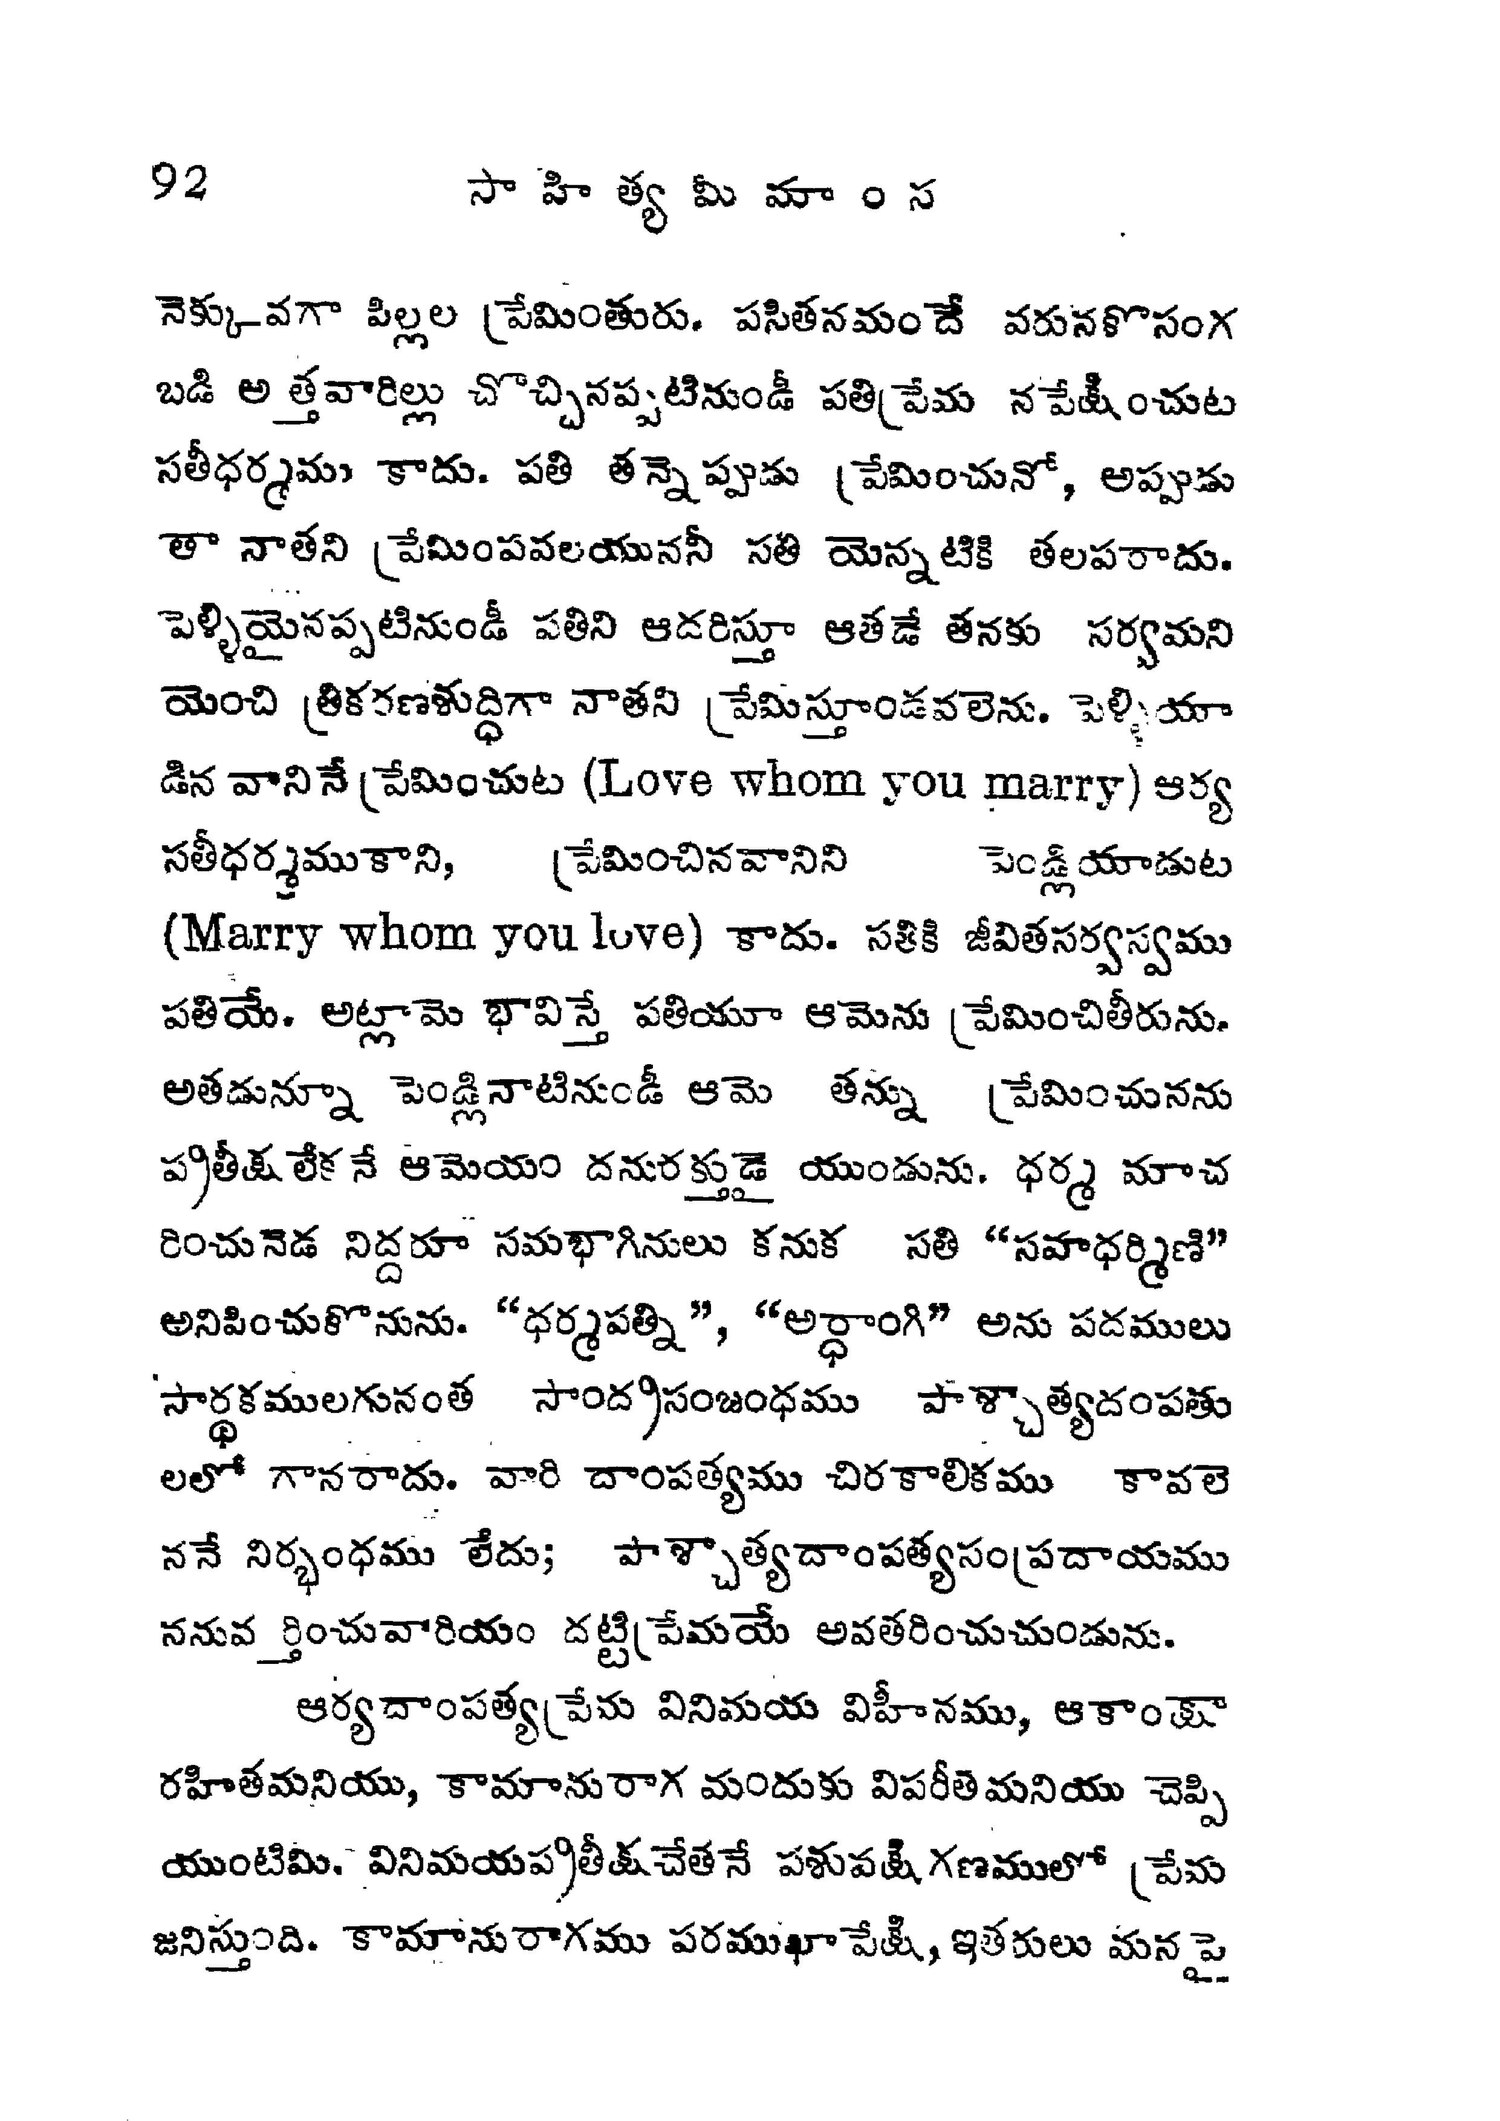నెక్కువగా పిల్లల ప్రేమింతురు. పసితనమందే పరుసకొసంగబడి అత్తవారిల్లు చొచ్చినప్పటినుండీ పతిప్రేమ నపేక్షించుట సతీధర్మము, కాదు.పతి తన్నెప్పుడు ప్రేమించునో, అప్పుడు తా నాతని ప్రేమింపవలయుననీ సతి యెన్నటికి తలపరాదు. పెళ్ళియైనప్పటినుండీ పతిని ఆదరిస్తూ ఆతడే తనకు సర్వమని యెంచి త్రికరణశుద్ధిగా నాతని ప్రేమిస్తూండవలెను. పెళ్ళియాడిన వానినేప్రేమించుట (Love whom you marry) ఆర్య సతీధర్మముకాని, ప్రేమించినవానిని పెండ్లియాడుట(Marry whom you love) కాదు. సతికి జీవితసర్వస్వము పతియే. అట్లామె భావిస్తే పతియూ ఆమెను ప్రేమించితీరును. అతడున్నూ పెండ్లినాటినుండీ ఆమె తన్ను ప్రేమించునను ప్రతీక్షలేకనే ఆమెయం దనురక్తుడై యుండును. ధర్మ మాచరించునెడ నిద్దరూ సమభాగినులు కనుక సతి "సహధర్మిణి" అనిపించుకొనును. "ధర్మపత్ని", "అర్ధాంగి" అను పదములు సార్థకములగునంత సాంద్రసంబంధము పాశ్చాత్యదంపతులలో గానరాదు. వారి దాంపత్యము చిరకాలికము కావలె ననే నిర్భంధము లేదు; పాశ్చాత్యదాంపత్యసంప్రదాయము ననువర్తించువారియం దట్టిప్రేమయే అవతరించుచుండును.

ఆర్యదాంపత్యప్రేమ వినిమయ విహీనము, ఆకాంక్షా రహితమనియు, కామానురాగ మందుకు విపరీతమనియు చెప్పియుంటిమి. వినిమయప్రతీక్షచేతనే పశుపక్షిగణములో ప్రేమ జనిస్తుంది. కామానురాగము పరముఖాపేక్షి, ఇతరులు మనపై